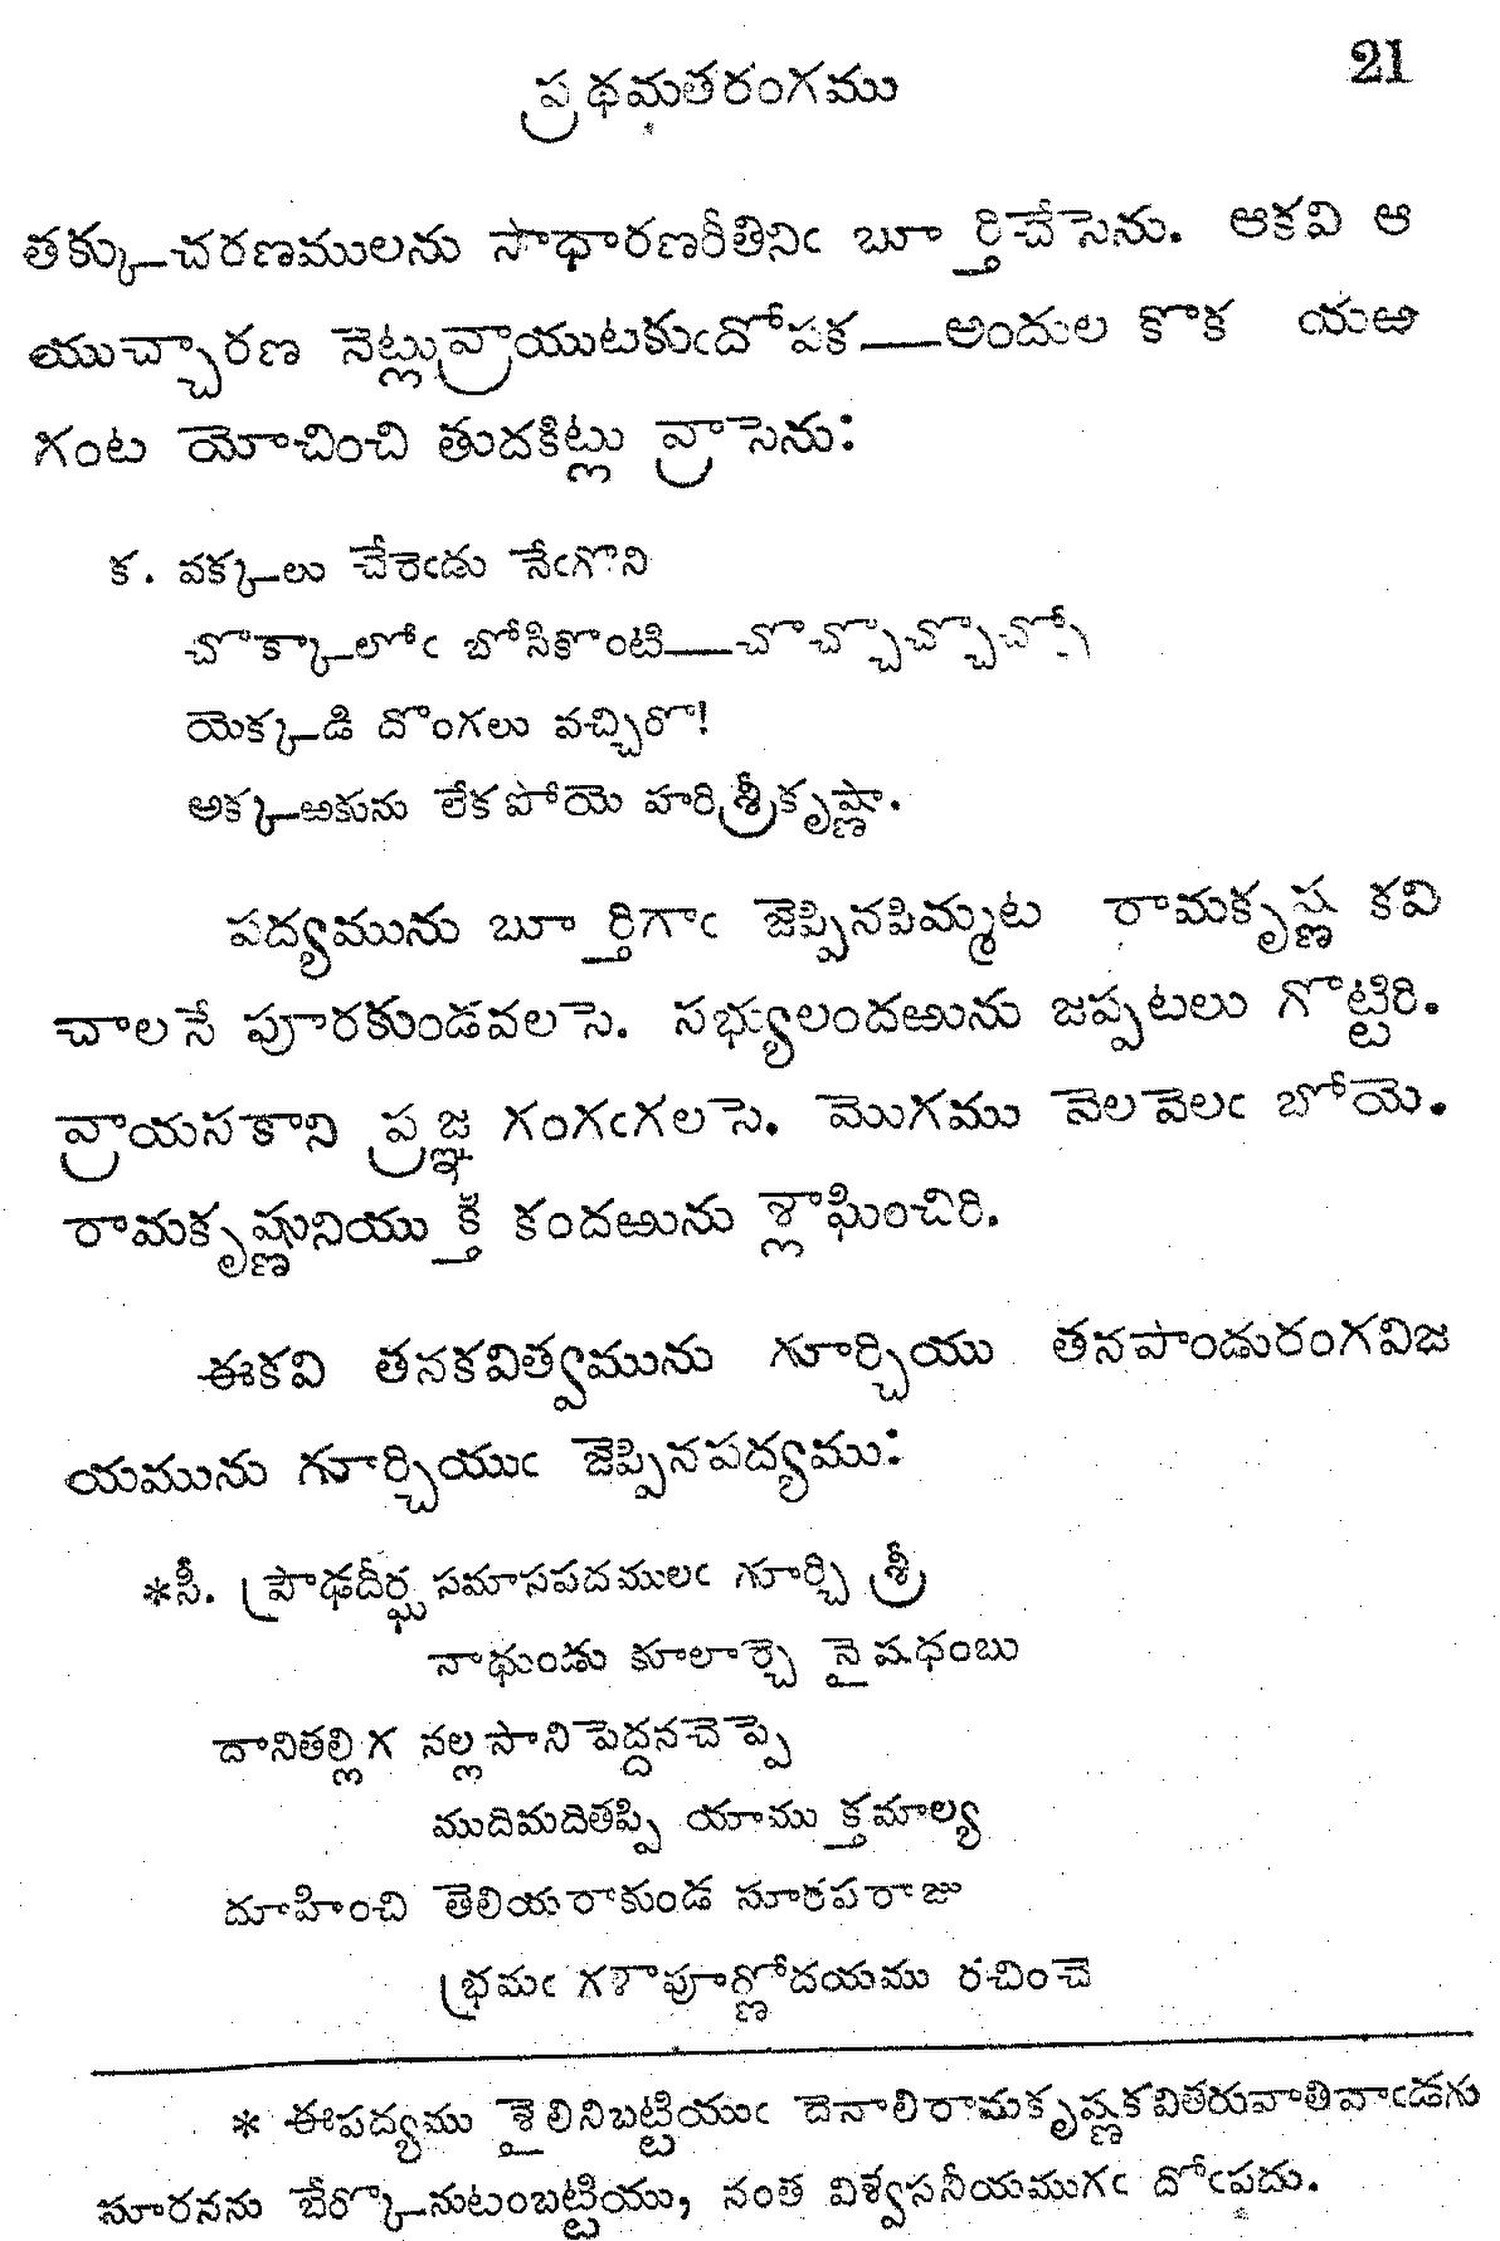తక్కుచరణములను సాధారణరీతినిఁ బూర్తిచేసెను. ఆకవి ఆయుచ్చారణ నెట్లు వ్రాయుటకుఁ దోపక—అందుల కొక యఱగంట యోచించి తుదకిట్లు వ్రాసెను.

క. వక్కలు చేరెఁడు నేఁగొని
 చొక్కాలోఁ బోసికొంటి—చొచ్చొచ్చొచ్చొ
 యెక్కడి దొంగలు వచ్చిరొ!
 అక్కఱకును లేకపోయె హరిశ్రీకృష్ణా.

పద్యమును బూర్తిగాఁ జెప్పినపిమ్మట రామకృష్ణకవి చాలసే పూరకుండవలసె. సభ్యులందఱును జప్పటలు గొట్టిరి. వ్రాయసకాని ప్రజ్ఞ గంగఁగలసె. మొగము వెలవెలఁ బోయె. రామకృష్ణునియుక్తి కందఱును శ్లాఘించిరి.

ఈకవి తనకవిత్వమును గూర్చియు తనపాండురంగవిజయమును గూర్చియుఁ జెప్పిన పద్యము.

సీ. ప్రౌఢదీర్ఘసమానసపదములఁ గూర్చి శ్రీ
 నాథుండు కూలార్చె నైషధంబు
 దానితల్లిగ నల్లసానిపెద్దన చెప్పె
 ముదిమదితప్పి యాముక్తమాల్యద
 దూహించి తెలియరాకుండ సూరపరాజు
 భ్రమఁ గళాపూర్ణోదయము రచించె